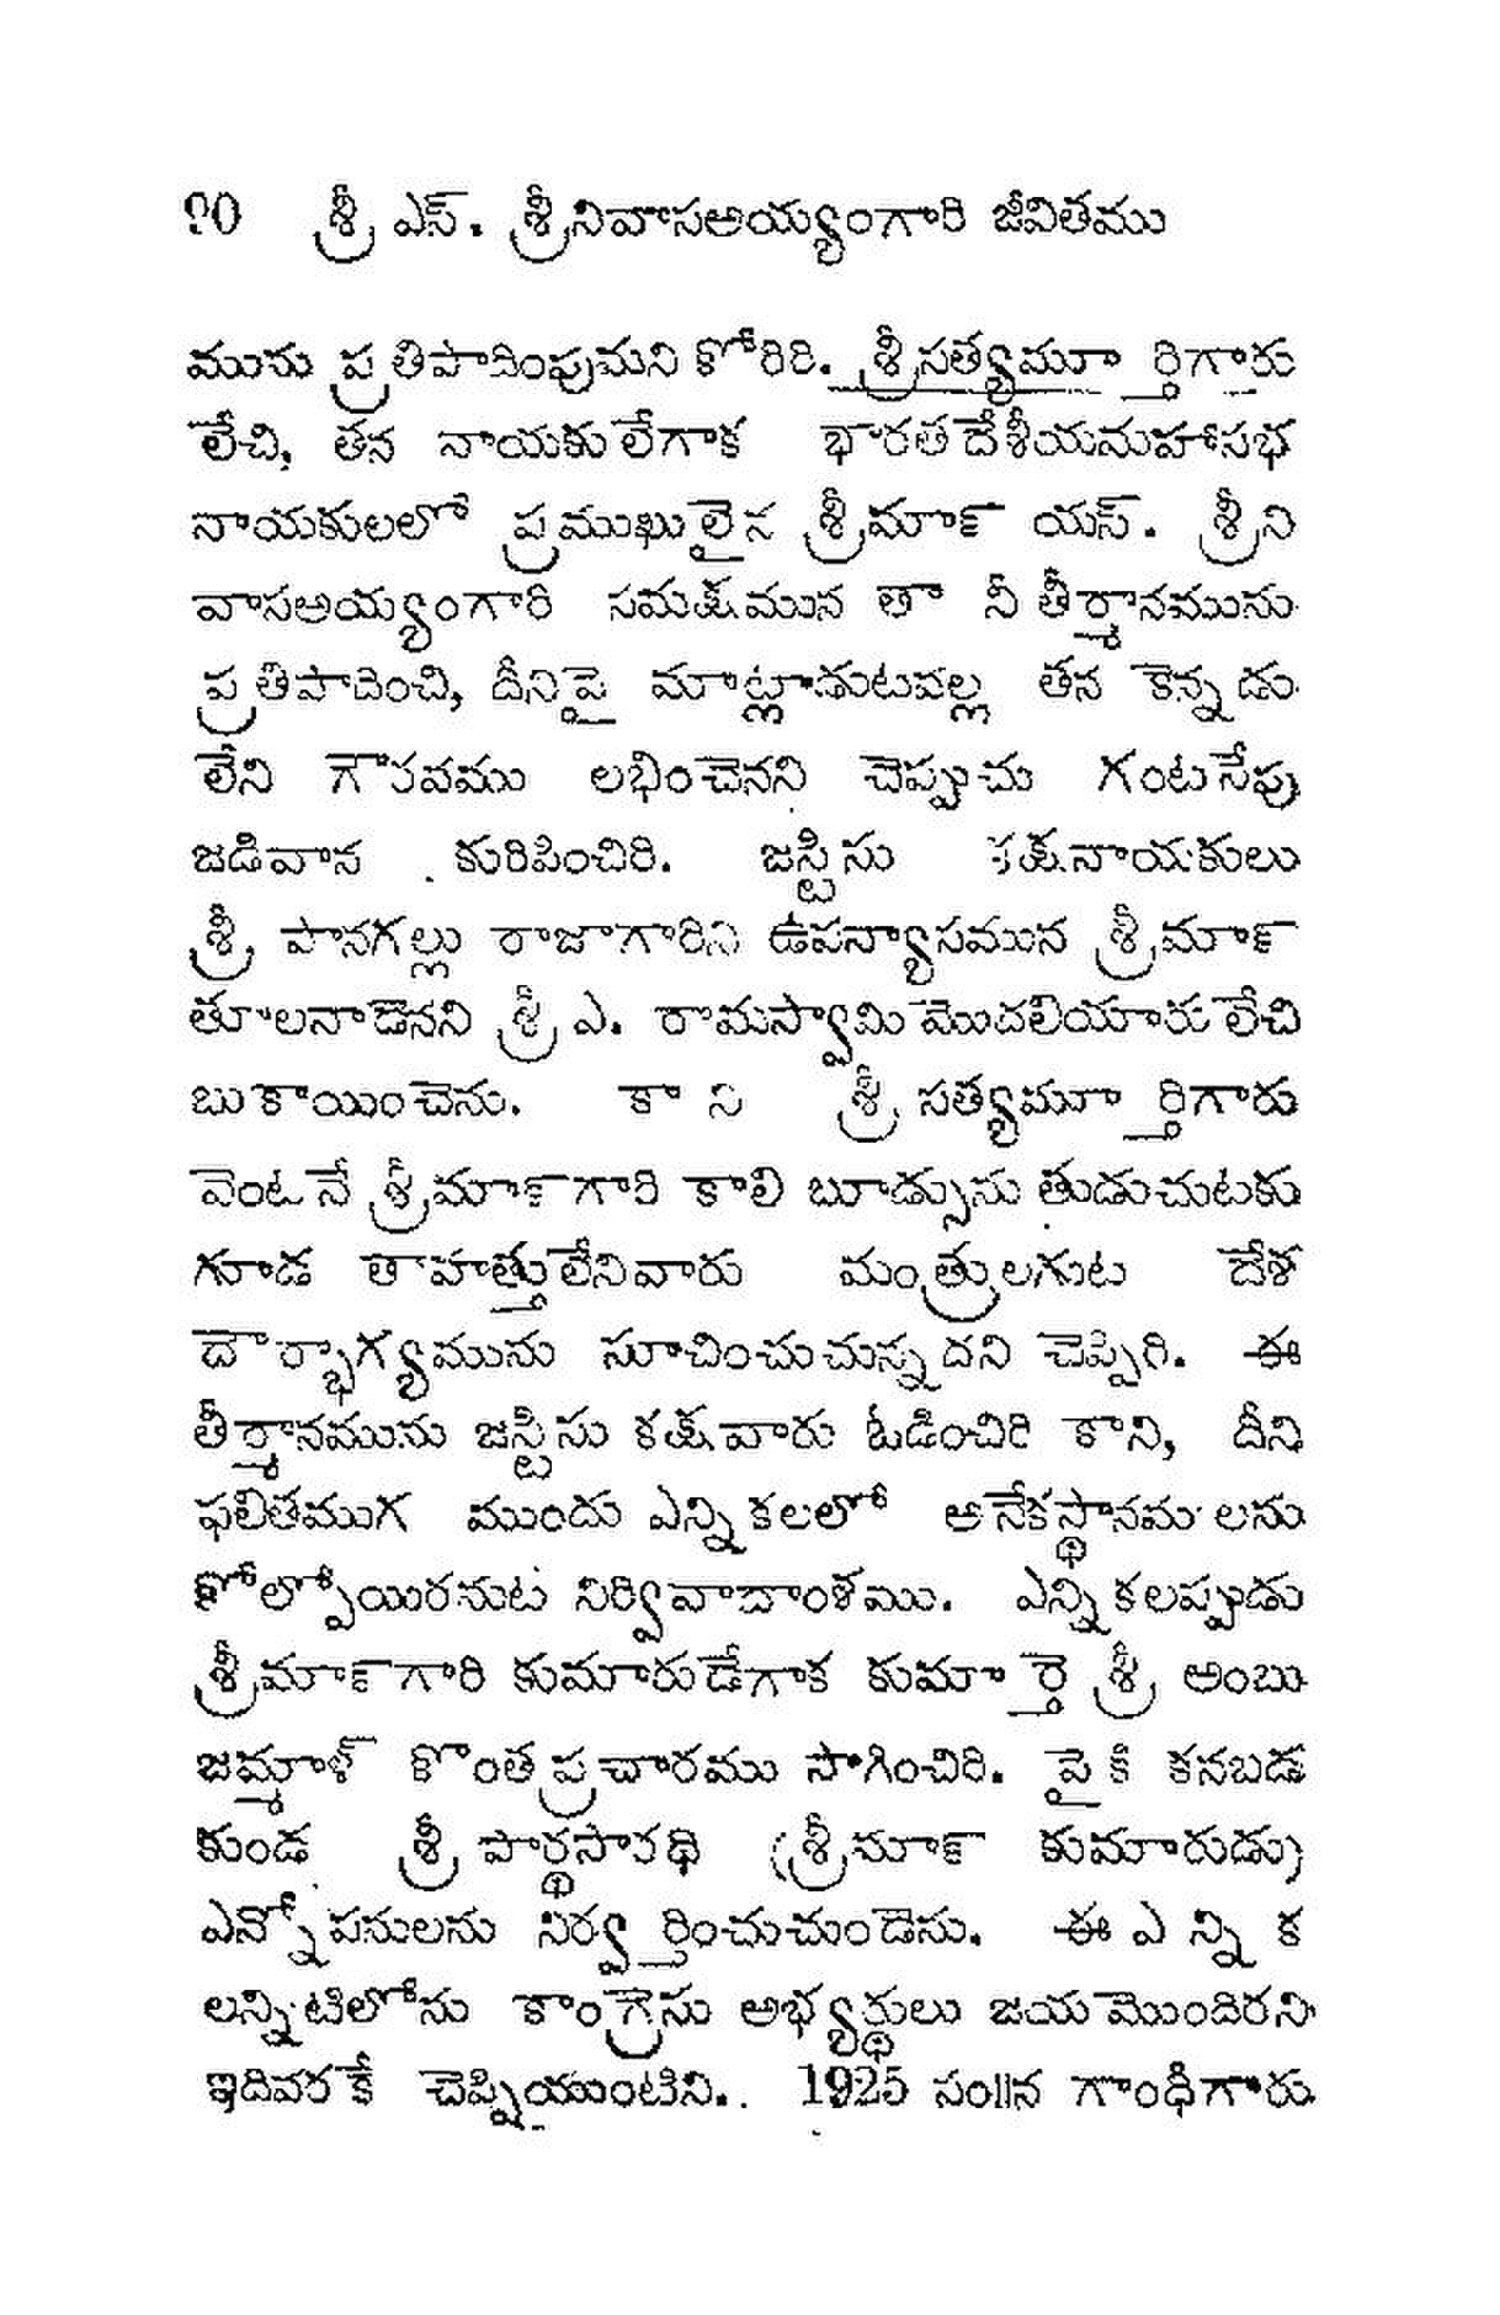మును ప్రతిపాదింపుమని కోరిరి. శ్రీ సత్యమూర్తిగారు లేచి, తన నాయకులేగాక భారతదేశీయమహాసభ నాయకులలో ప్రముఖులైన శ్రీమా౯ యస్. శ్రీనివాసఅయ్యంగారి సమక్షమున తా నీ తీర్మానమును ప్రతిపాదించి, దీనిపై మాట్లాడుటవల్ల తన కెన్నడు లేని గౌరవము లభించెనని చెప్పుచు గంటసేపు జడివాన కురిపించిరి. జస్టిసు కక్షనాయకులు శ్రీ పానగల్లు రాజాగారిని ఉపన్యాసమున శ్రీమా౯ తూలనాడెనని శ్రీ ఎ. రామస్వామిమొదలియారులేచి బుకాయించెను. కాని శ్రీ సత్యమూర్తిగారు వెంటనే, శ్రీమా౯గారి కాలి బూడ్సును తుడుచుటకు గూడ తాహత్తులేనివారు మంత్రులగుట దేశ దౌర్భాగ్యమును సూచించుచున్నదని చెప్పిరి. ఈ తీర్మానమును జస్టిసు కక్షవారు ఓడించిరి కాని, దీని ఫలితముగ ముందు ఎన్నికలలో అనేకస్థానములను కోల్పోయిరనుట నిర్వివాదాంశము. ఎన్నికలప్పుడు శ్రీమా౯గారి కుమారుడేగాక కుమార్తె శ్రీ అంబుజమ్మాళ్ కొంతప్రచారము సాగించిరి. పైకి కనబడకుండ శ్రీ పార్థసారథి (శ్రీమా౯ కుమారుడు) ఎన్నోపనులను నిర్వర్తించుచుండెను. ఈఎన్నికలన్నిటిలోను కాంగ్రెసు అభ్యర్థులు జయమొందిరని ఇదివరకే చెప్పియుంటిని. 1925 సం!!న గాంధీగారు